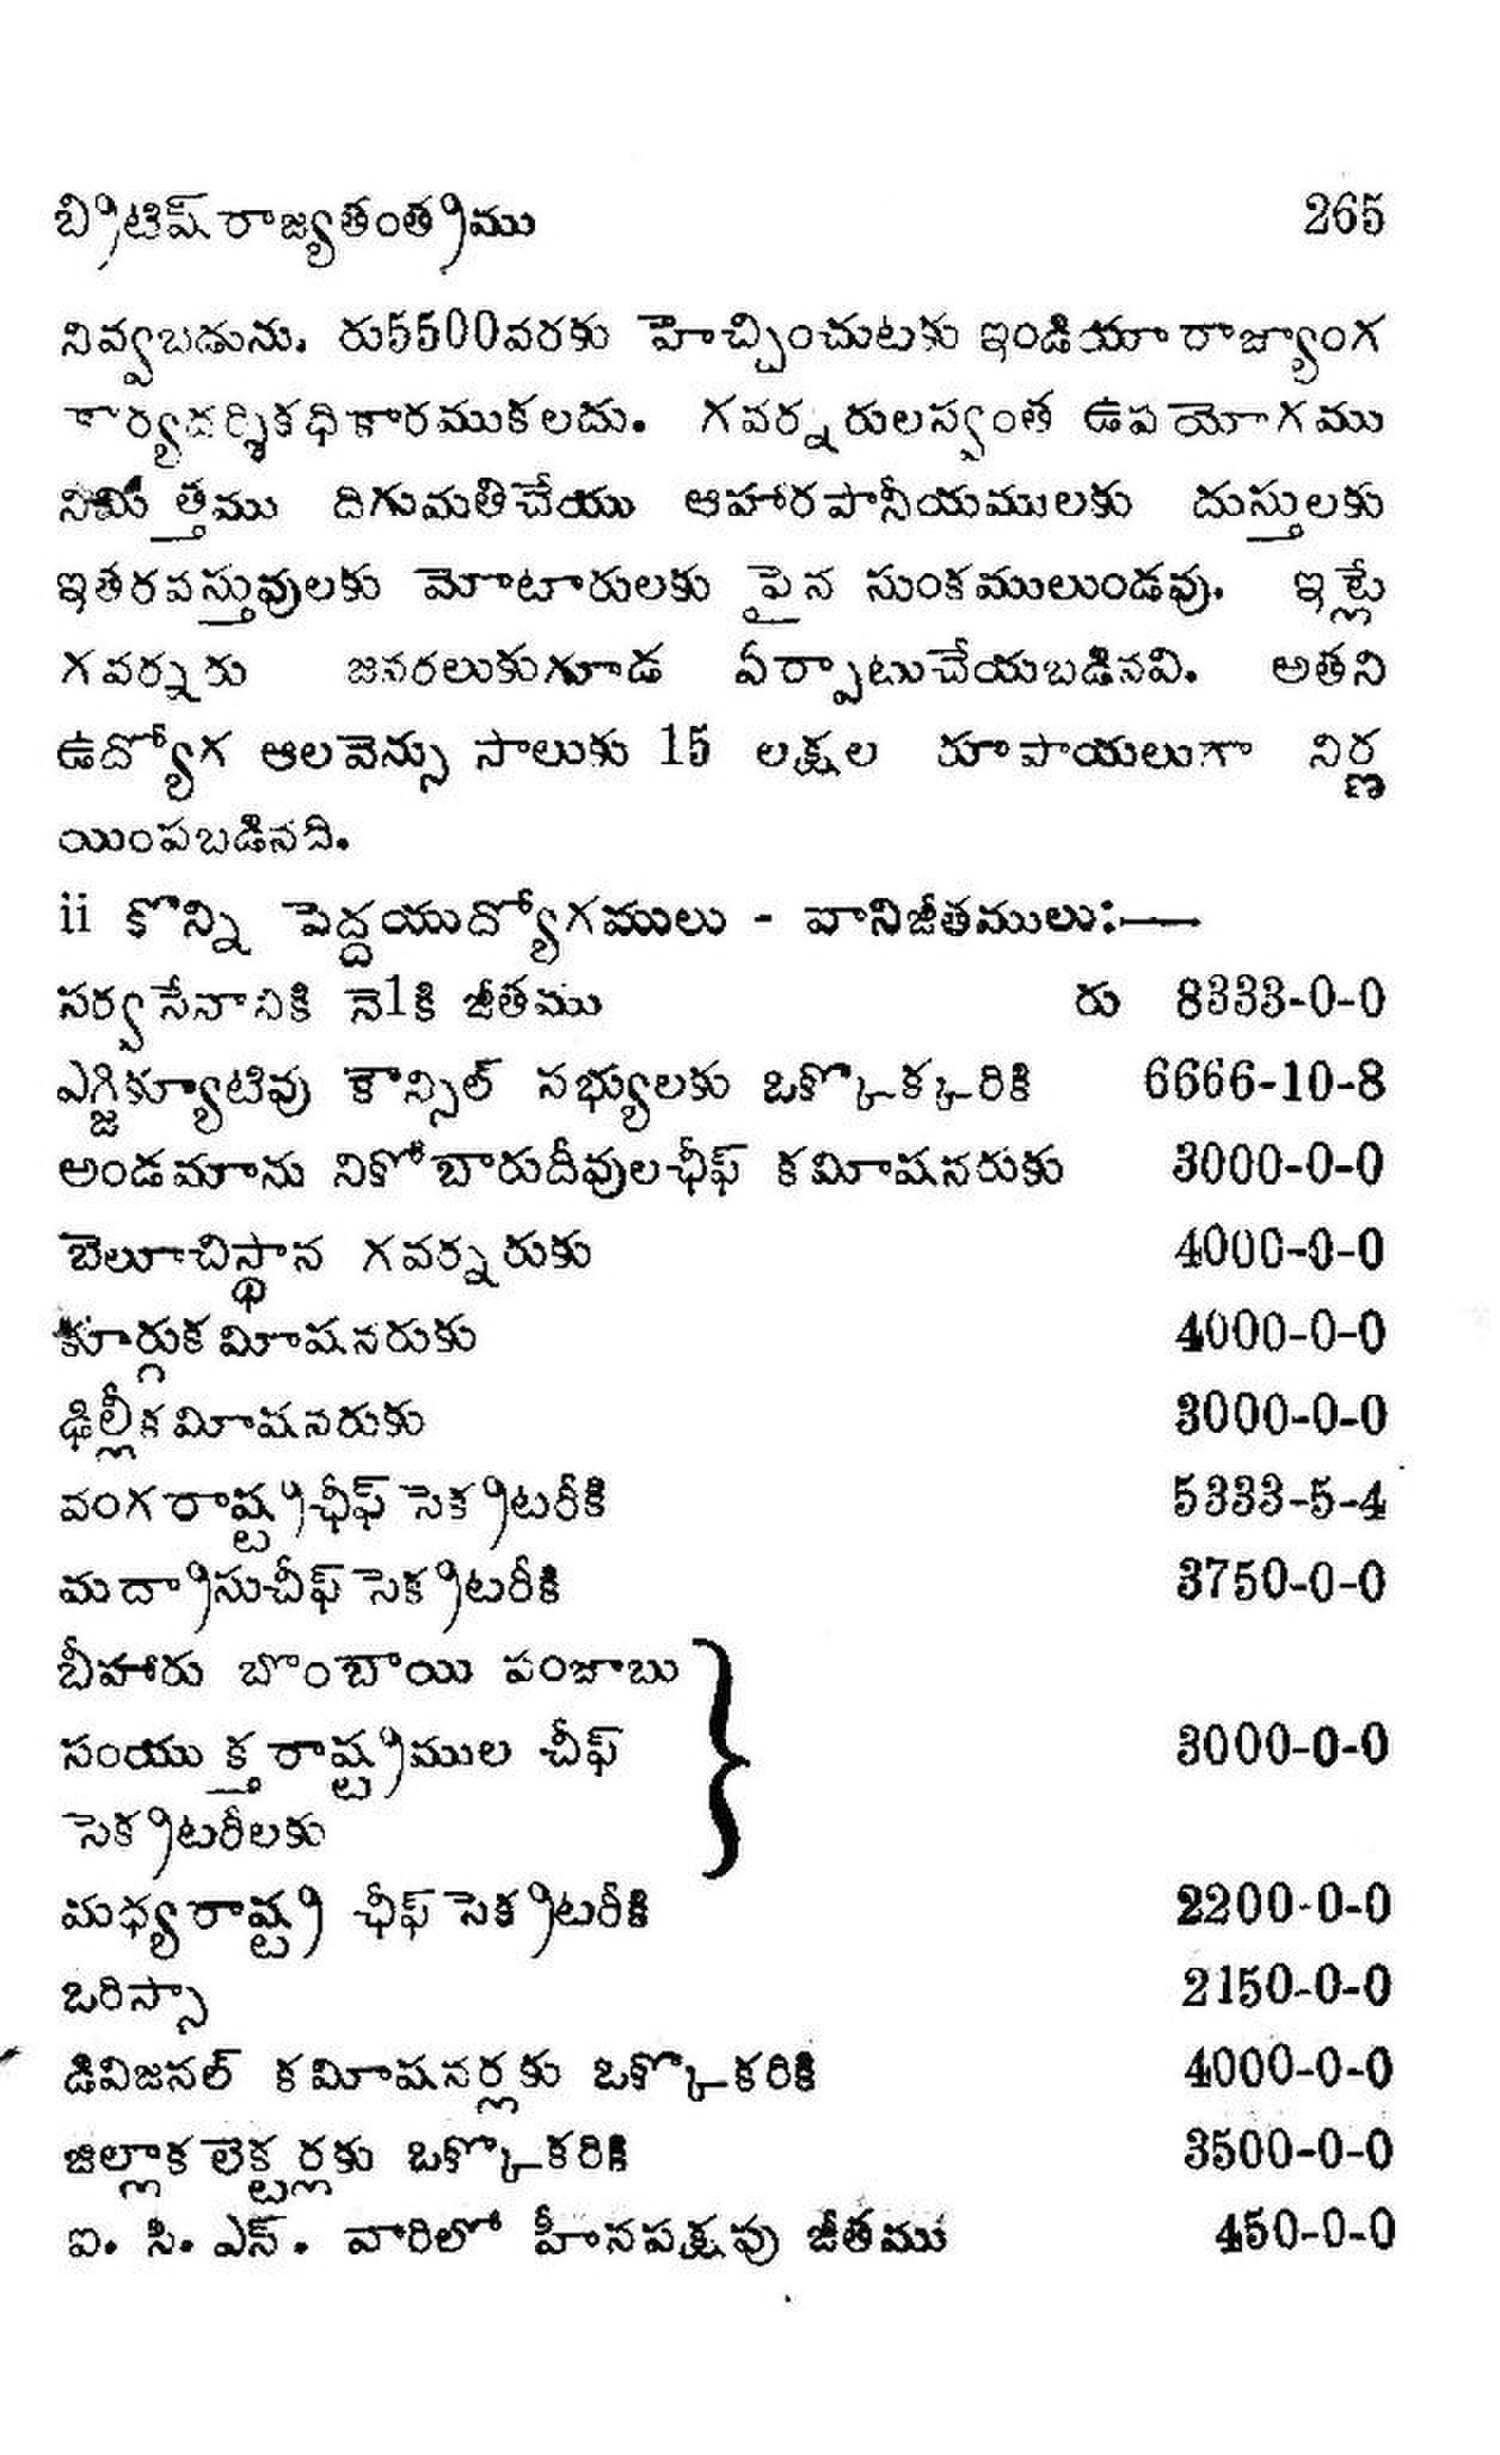నివ్వబడును. రు 5500 వరకు హెచ్చించుటకు ఇండియారాజ్యాంగ కార్యదర్శికధికారముకలదు. గవర్నరులస్వంత ఉపయోగము నిమిత్తము దిగుమతిచేయు ఆహారపానీయములకు దుస్తులకు ఇతరవస్తువులకు మోటారులకు పైన సుంకములుండవు. ఇట్లే గవర్నరు జనరలుకుగూడ ఏర్పాటుచేయబడినవి. అతని ఉద్యోగ అలవెన్సు సాలుకు 15 లక్షల రూపాయలుగా నిర్ణయింపబడినది.

ii కొన్ని పెద్దయుద్యోగములు - వానిజీతములు:-

 సర్వసేనానికి నె 1 కి జీతము రు. 8333-0-0 ఎగ్జిక్యూటివు కౌన్సిల్ సభ్యులకు ఒక్కొక్కరికి 6666-10-8 అండమాను నికోబారుదీవులఛీఫ్ కమీషనరుకు 3000-0-0 బెలూచిస్థాన గవర్నరుకు 4000-0-0 కూర్గుకమీషనరుకు 4000-0-0 ఢిల్లీకమీషనరుకు 3000-0-0 వంగరాష్ట్రఛీఫ్ సెక్రటరీకి 5333-5-4 మద్రాసుఛీఫ్ సెక్రటరీకి 3750-0-0 బీహారు బొంబాయి పంజాబు సంయుక్తరాష్ట్రముల ఛీఫ్ సెక్రటరీలకు 3000-0-0 మధ్యరాష్ట్ర ఛీఫ్ సెక్రటరీకి 2200-0-0 ఒరిస్సా 2150-0-0 డివిజనల్ కమీషనర్లకు ఒక్కొకరికి 4000-0-0 జిల్లాకలెక్టర్లకు ఒక్కొకరికి 3500-0-0 ఐ. సి. ఎస్. వారిలో హీనపక్షపు జీతము 450-0-0